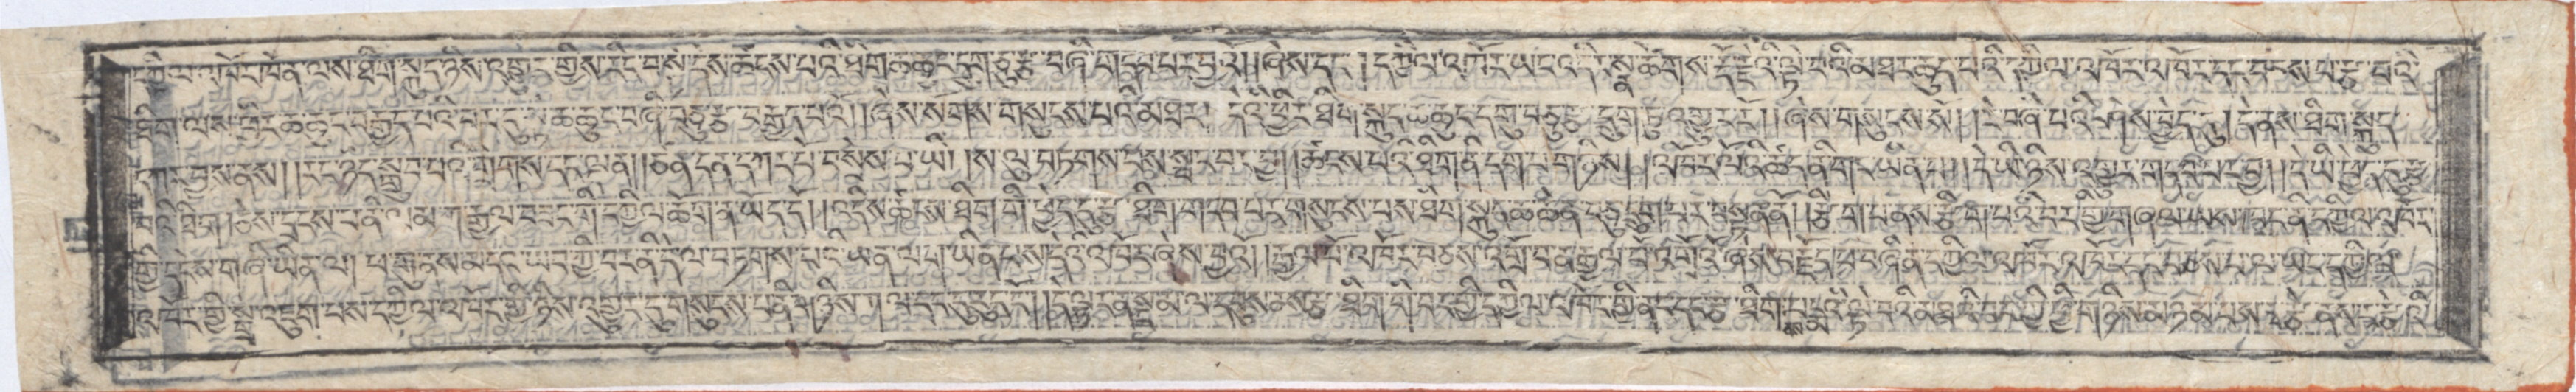དཀྱིལ་འཁོར་ཁོ་ན་ལས་ཐིག་སྐུད་ཉིས་འགྱུར་གྱིས་རིང་བ་སྟེ་དེས་ཚངས་པའི་ཐིག་ཆ་ཆུང་དྲུག་ཅུ་རྩ་བཞི་གདབ་པར་བྱའོ། །ཞེས་དང་། དཀྱིལ་འཁོར་ཡང་འདིར་སྣ་ཚོགས་རྡོ་རྗེའི་ལྟེ་བའི་མཐར་ཆུད་པའི་དཀྱིལ་འཁོར་འཁོར་དང་བཅས་པ་རྩ་བའི་
ཐིག་ལས་ཕྱིར་ཆ་ཆུང་བརྒྱད་པའི་བར་དུ་སྟེ་ཆ་ཆུང་བཞི་བཅུ་རྩ་བརྒྱད་པའོ། །ཞེས་སོགས་གསུངས་པའི་མཐར། དེའི་ཕྱིར་ཐིག་སྐུད་ཆ་ཆུང་དགུ་བཅུ་རྩ་དྲུག་ཏུ་འགྱུར་རོ། །ཞེས་གསུངས་སོ། །རེ་བཞི་པའི་ཤེས་བྱེད་དུ། དེ་ནས་ཐིག་སྐུད་
དཀར་བྱས་ནས། །རང་ཉིད་སྒྲུབ་པའི་གྲོགས་དང་ལྡན། །ཙན་དན་དཀར་པོ་བསྲེས་པ་ཡི། །ས་ལུ་བཏགས་པས་སྤང་བར་བྱ། །ཚངས་པའི་ཐིག་ནི་དག་པ་གཉིས། །འཁོར་ལོའི་ཚད་ནི་གང་ཡིན་པ། །དེ་ཡི་ཉིས་འགྱུར་གདབ་པར་བྱ། །དེ་ཡི་ཕྱེད་དུ་རྩ་
བའི་ཐིག །ཅེས་དྲངས་པ་ནི་ལམ་ཀ་རྒྱལ་བཟང་གི་དཀྱིལ་ཆོག་ན་ཡོད་དོ། །འདིས་ཚངས་ཐིག་གི་ཕྱེད་དུ་རྩ་ཐིག་གདབ་པར་གསུངས་པས་ཐིག་སྐུད་ཆ་ཆེན་བཅུ་དྲུག་པར་བསྟན་ནོ། །རྩིག་པ་ནས་རྩིག་པའི་བར་གྱི་གཞལ་ཡས་ཁང་ནི་དཀྱིལ་འཁོར་
གྱི་དངོས་གཞི་ཡིན་ལ། ཕ་གུ་ནས་མདའ་ཡབ་ཀྱི་བར་ནི་དེ་ལ་བཏགས་པའི་ཡན་ལག་ཡིན་པས་དེའི་འཁོར་ཞེས་བྱའོ། །རྒྱལ་པོ་འཁོར་བཅས་འགྲོ་བ་ན་རྒྱལ་པོ་འགྲོའོ་ཞེས་བརྗོད་པ་བཞིན་དཀྱིལ་འཁོར་འཁོར་དང་བཅས་པ་ལ་ཡང་དཀྱིལ་
འཁོར་གྱི་སྒྲ་འཇུག་པས་དཀྱིལ་འཁོར་གྱི་ཉིས་འགྱུར་དུ་གསུངས་པ་ནི་གཉིས་ཀ་ལ་དང་དུ་རུང་ངོ། །དེ་ལྟར་ན་སྔ་མ་ལ་དབུས་ནས་རྩ་ཐིག་གི་བར་གྱི་དཀྱིལ་འཁོར་གྱི་ནང་དང་རྩ་ཐིག་ནས་པདམའི་ལྟེ་བའི་མཐའི་བར་གྱི་ཕྱི་གཉིས་མཉམ་པས་རྭ་རྩེ་ནས་རྭ་རྩེའི་